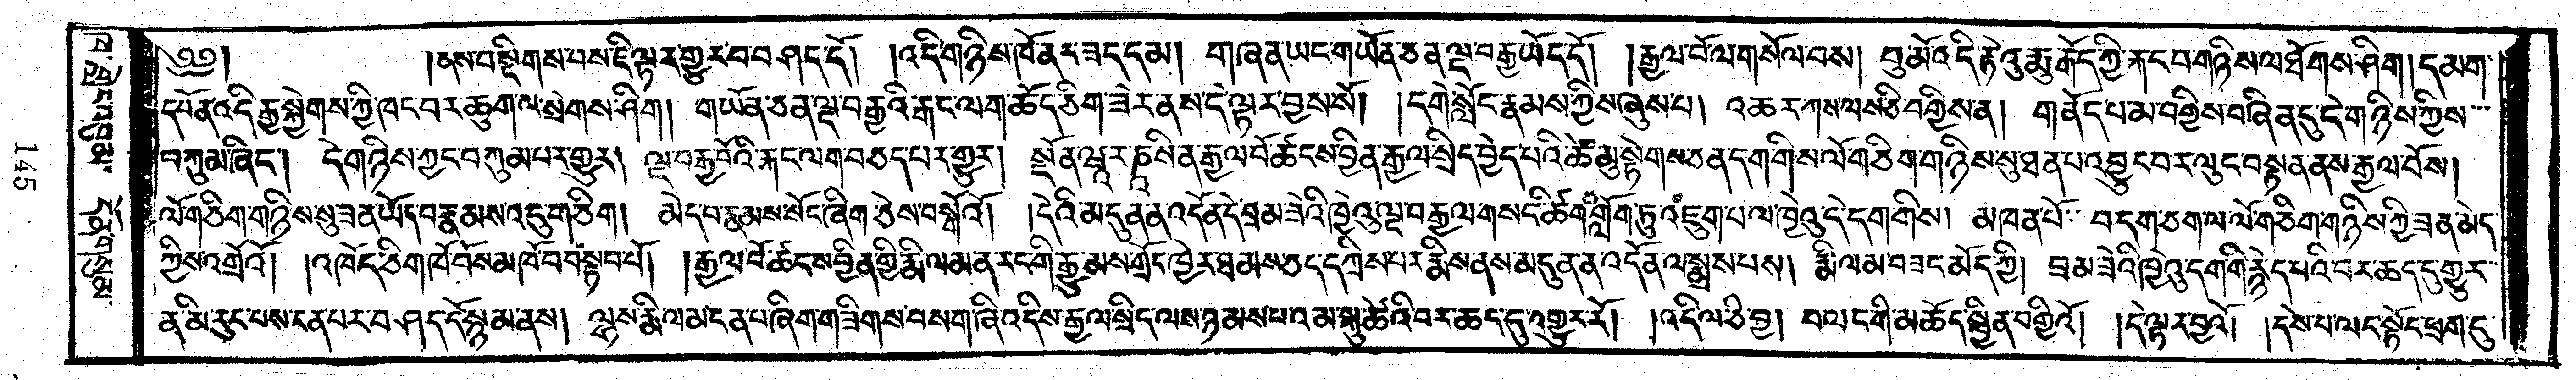༄༅། །ནས་བསྡིགས་པས་ཇི་ལྟར་གྱུར་བ་བཤད་དོ། །འདི་གཉིས་ཁོ་ནར་ཟད་དམ། གཞན་ཡང་གཡོན་ཅན་ལྔ་བརྒྱ་ཡོད་དོ། །རྒྱལ་བོ་ལ་གསོལ་བས། བུ་མོ་འདི་རྟེའུ་རྨུ་རྒོད་ཀྱི་རྐང་བ་གཉིས་ལ་ཐོགས་ཤིག། དམག་
དཔོན་འདི་རྒྱ་སྐྱེགས་ཀྱི་ཁང་བར་ཆུག་ལ་སྲེགས་ཤིག། གཡོན་ཅན་ལྔ་བརྒྱའི་རྒང་ལག་ཆོད་ཅིག་ཟེར་ནས་དེ་ལྟར་བྱས་སོ། །དགེ་སློང་རྣམས་ཀྱིས་ཞུས་པ། འཆར་ཀས་ལས་ཅི་བགྱིས་ན། གནོད་པ་མ་བགྱིས་བཞིན་དུ་དེ་གཉིས་ཀྱིས་
བཀུམ་ཞིང་། དེ་གཉིས་ཀྱང་བཀུམ་པར་གྱུར། ལྔ་བརྒྱ་བོའི་རྐང་ལག་བཅད་པར་གྱུར། སྔོན་ཝཱར་ཎཱ་སི་ན་རྒྱལ་བོ་ཚངས་བྱིན་རྒྱལ་སྲིད་བྱེད་པའི་ཚེ་མུ་སྟེགས་ཅན་དག་གིས་ལོ་གཅིག་གཉིས་སུ་ཐན་པ་འབྱུང་བར་ལུང་བསྟན་ནས་རྒྱལ་བོས།
ལོ་གཅིག་གཉིས་སུ་ཟན་ཡོད་པ་རྣམས་འདུ་གཅིག། མེད་པ་རྣམས་སོང་ཞིག་ཅེས་བསྒོའོ། །དེའི་མདུན་ན་འདོན་དེ་བྲམ་ཟེའི་ཁྱེའུ་ལྔ་བརྒྱལ་གསང་ཚིག་གློག་ཏུ་འཇུག་པ་ལ་ཁྱེའུ་དེ་དག་གིས། མཁན་པོ་བདག་ཅག་ལ་ལོ་གཅིག་གཉིས་ཀྱི་ཟན་མེད་
ཀྱིས་འགྲོའོ། །འཁོད་ཅིག་ཁོ་བོས་མཁོ་བ་བསྟབ་པོ། །རྒྱལ་བོ་ཚངས་བྱིན་གྱི་རྨི་ལམ་ན་རང་གི་རྒྱུ་མས་གྲོང་ཁྱེར་ཐམས་ཅད་དཀྲིས་པར་རྨིས་ནས་མདུན་ན་འདོན་ལ་སྨྲས་པས། རྨི་ལམ་བཟང་མོད་ཀྱི། བྲམ་ཟེའི་ཁྱེའུ་དག་གི་རྙེད་པའི་བར་ཆད་དུ་གྱུར་
ན་མི་རུང་པས་ངན་པར་བཤད་དོ་སྙམ་ནས། ལྷས་རྨི་ལམ་ངན་པ་ཞིག་གཟིགས་བས་ག་ཞི་འདིས་རྒྱལ་སྲིད་ལས་ཉམས་པ་འམ་སྐུ་ཚེའི་བར་ཆང་དུ་འགྱུར་རོ། །འདི་ལ་ཅི་བྱ། བ་ལང་གི་མཆོད་སྦྱིན་བགྱིའོ། །དེ་ལྟར་བྱའོ། །དེས་པ་ལང་སྟོང་ཕྲག་དུ་